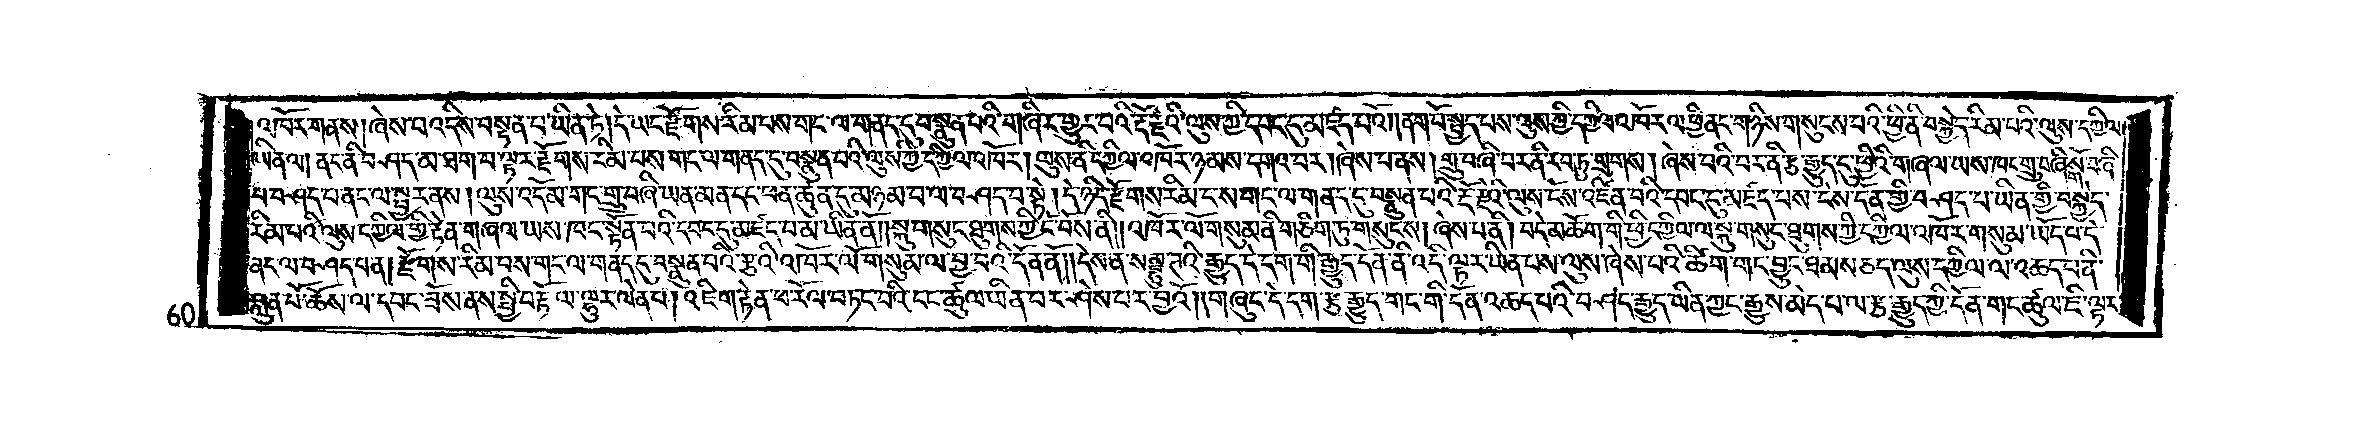འཁོར་གནས། ཞེས་པ་འདིས་བསྟན་པ་ཡིན་ཏེ། དེ་ཡང་རྫོགས་རིམ་པས་གང་ལ་གནང་དུ་བསྣུན་པའི་གཞིར་གྱུར་པའི་རྡོ་རྗེའི་ལུས་ཀྱི་དབང་དུ་མཛད་པའོ། །ནག་པོ་སྤྱད་པས་ལུས་ཀྱི་དཀྱིལ་འཁོར་ལ་ཕྱི་ནང་གཉིས་གསུངས་པའི་ཕྱི་ནི་བསྐྱེད་རིམ་པའི་ལུས་དཀྱིལ་
ཡིན་ལ། ནང་གི་བཤད་མ་ཐག་པ་ལྟར་རྫོགས་རིམ་པས་གང་ལ་གནད་དུ་བསྣུན་པའི་ལུས་ཀྱི་དཀྱིལ་འཁོར། ལུས་ནི་དཀྱིལ་འཁོར་ཉམས་དགའ་བར། ཞེས་པ་ནས། གྲུ་བཞི་བར་ནི་རབ་ཏུ་གྲགས། ཞེས་པའི་བར་ནི་རྩ་རྒྱུད་དུ་ཕྱིའི་གཞལ་ཡས་ཁང་གྲུ་བཞི་སྒོ་བཞི་
པ་བཤད་པ་ནང་ལ་སྤྱར་ནས། ལུས་འདོམ་གང་གྲུ་བཞི་ཡན་མན་དང་ཕན་ཚུན་དུ་མཉམ་པ་ལ་བཤད་པ་སྟེ། དེ་ཉིད་རྫོགས་རིམ་པས་གང་ལ་གནད་དུ་བསྣུན་པའི་རྡོ་རྗེའི་ལུས་ངོས་འཛིན་པའི་དབང་དུ་མཛད་པས་ངེས་དོན་གྱི་བཤད་པ་ཡིན་གྱི་བསྐྱེད་
རིམ་པའི་ལུས་དཀྱིལ་གྱི་རྟེན་གཞལ་ཡས་ཁང་སྟོན་པའི་དབང་དུ་མཛད་པ་མ་ཡིན་ནོ། །སྐུ་གསུང་ཐུགས་ཀྱི་ངོ་བོས་ནི། །འཁོར་ལོ་གསུམ་ནི་གཅིག་ཏུ་གསུངས། ཞེས་པ་ནི། བདེ་མཆོག་གི་ཕྱི་དཀྱིལ་ལ་སྐུ་གསུང་ཐུགས་ཀྱི་དཀྱིལ་འཁོར་གསུམ་ཡོད་པ་དེ་
ནང་ལ་བཤད་པ་ན། རྫོགས་རིམ་པས་གང་ལ་གནད་དུ་བསྣུན་པའི་རྩའི་འཁོར་ལོ་གསུམ་ལ་བྱ་བའི་དོན་ནོ། །དེས་ན་སམྦྷུ་ཊའི་རྒྱུད་དེ་དག་གི་རྒྱུད་དོན་ནི་འདི་ལྟར་ཡིན་པས་ལུས་ཞེས་པའི་ཚིག་གང་བྱུང་ཐམས་ཅད་ལུས་དཀྱིལ་ལ་འཆད་པ་ནི་
བླུན་པོ་ཆོས་ལ་དབང་ཟོས་ནས་སྤྱི་བརྟོལ་ལྷུར་ལེན་པ། འཇིག་རྟེན་ཕ་རོལ་བཏང་བའི་ངང་ཚུལ་ཡིན་པར་ཤེས་པར་བྱའོ། །གཞུང་དེ་དག་རྩ་རྒྱུད་གང་གི་དོན་འཆད་པའི་བཤད་རྒྱུད་ཡིན་ཀྱང་རྒྱུས་མེད་པ་ལ་རྩ་རྒྱུད་ཀྱི་དོན་གང་ཚུལ་ཇི་ལྟར་